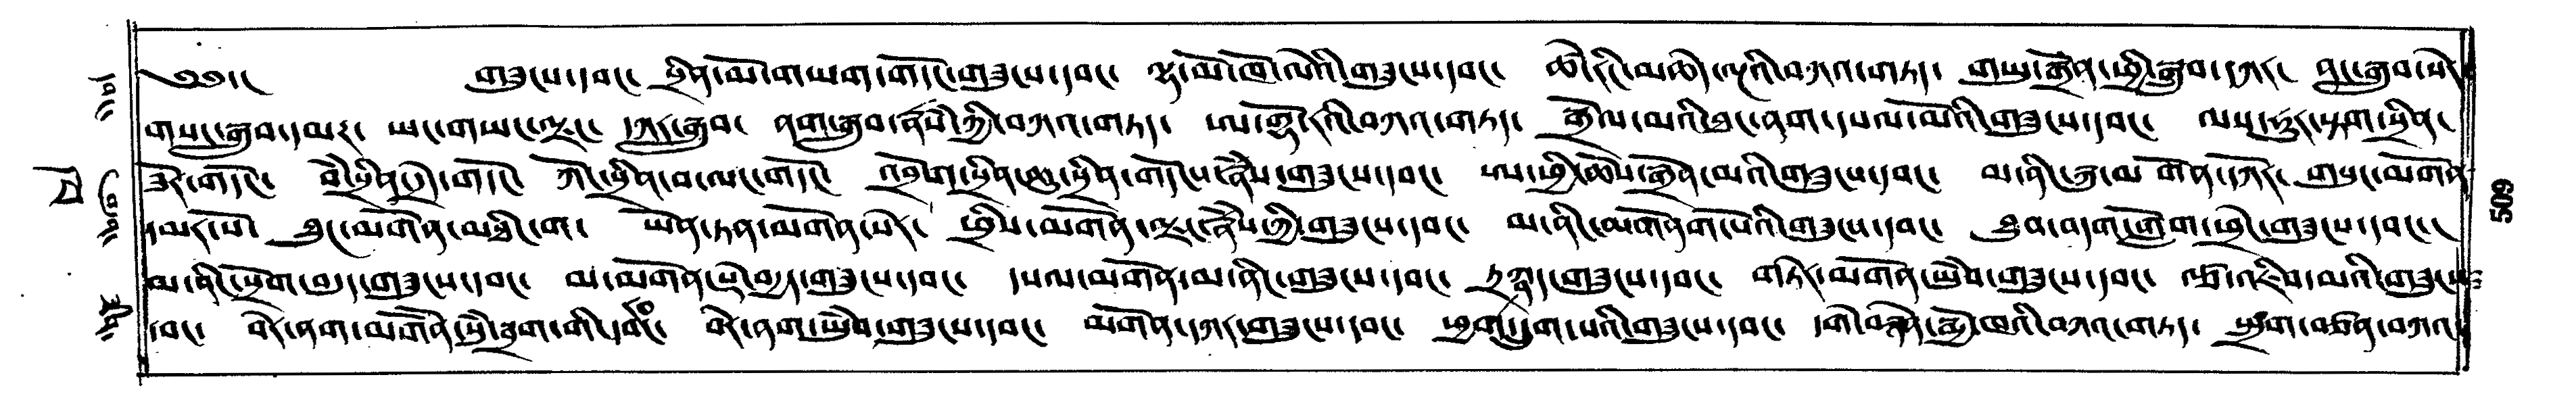གཟུངས་དབང་། སྲིན་མོ་གཡག་གདོང་གཟུངས་དབང་། ལྷ་མོ་ཁོ་ལེའི་གཟུངས་དབང་། ཚེ་རིང་མཆེད་ལྔའི་བཀའ་གཏད། །གཡུ་སྒྲོན་ཕྱི་སྒྲུབ་དཀར། ནང་སྒྲུབ་སེར། 
གསངསྒྲུབ་དམར། ཡང་གསང་ལྗང། དཀར་སྒྲུབ། ནག་སྒྲུབ་རྣམས་ཀྱི་བཀའ་གཏད། ཨ་གྷོ་རའི་བཀའ་གཏད། སྒྲོལ་མའི་ཐང་ནག་དཔལ་མོའི་གཟུངས་དབང་། ལས་ཧུར་སྟག་སྲིན་
ཟོར་གདོང་། བཾ་སྲིན་དྲེད་གདོང་། ཀོང་སྲིན་བ་ལང་གདོང་། འབྲོག་སྲིན་ཆུ་སྲིན་གདོང་རྣམས་ཀྱི་གཟུངས་དབང་། ཨ་ཕྱི་ཆོས་སྒྲོན་མའི་གཟུངས་དབང་། མ་ནིང་སྐུ་མགོན་དཀར་པོ་གསུང་མགོན་
དམར་པོ། ཐུགས་མགོན་མཐིང་ག། ཡོན་ཏན་མགོན་སེར།ཕྲིན་ལས་མགོན་ལྗང་རྣམས་ཀྱི་གཟུངས་དབང་། མ་ནིང་མགོན་པོ་ནག་པོའི་གཟུངས་དབང་། ཐུབ་བདག་གློག་ཕྲེང་གཟུངས་དབང། 
མ་ནིང་སྲོང་བདུད་གཟུངས་དབང་། མ་མགོན་སྡེ་བརྒྱད་གཟུངས་དབང་། དཔལ་མགོན་མ་ནིང་གཟུངས་དབང་། ཏྲ་ཀྴད་གཟུངས་དབང་། གཏེར་མགོན་ཡབ་ཡུམ་གཟུངས་
དབང་། རྩ་འཇིབ་མའི་གཟུངས་དབང་། བེར་ནག་མགོན་པོ་སུམ་སྦྲག་གི་དབང་༨༠། བེར་ནག་ཡབ་ཡུམ་གཟུངས་དབང་། མགོན་དཀར་གཟུངས་དབང་། ཕྱག་དྲུག་པའི་གཟུངས་དབང་། དགེ་བསྙེན་སྨྱོ་ཁའི་བཀའ་གཏད། །སྤྲག་བཙན་བཀའ་